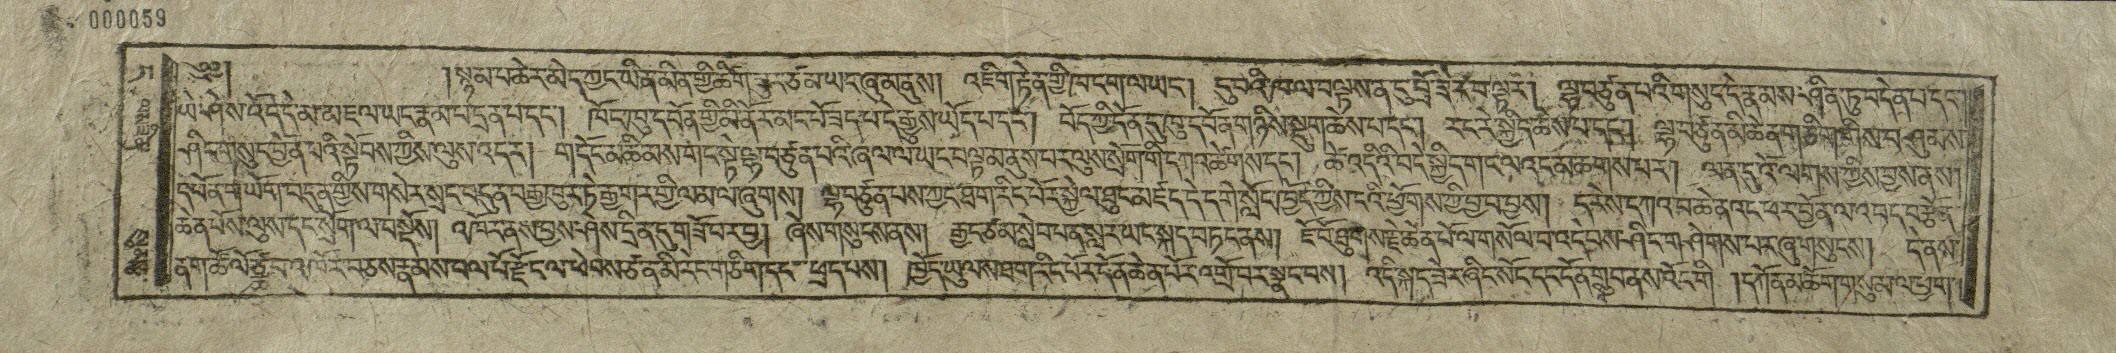༄༅། །སྙམ་པ་ཆེར་མེད་ཀྱང་ཡིན་མིན་གྱི་ཚིག་ཟུར་ཙམ་ཡང་ཞུ་མ་ནུས། འཇིག་རྟེན་གྱི་ཁ་ངག་ལ་ཡང་། དུ་བའི་ཁ་ལ་བལྟས་ན་དུ་བྲོ་ཟེར་བ་ལྟར། ལྷ་བཙུན་པའི་གསུང་དེ་རྣམས་ཤིན་ཏུ་བདེན་པ་དང་།
ཡེ་ཤེས་འོད་དེ་མ་མཇལ་ཡང་རྣམ་པ་དྲན་པ་དང་། ཁོང་ཁུ་དབོན་གྱི་མི་ནོར་མང་པོ་ཟད་པ་དེ་རྒྱུས་ཡོད་པ་དང་། བོད་ཀྱི་དོན་དུ་ཁུ་དབོན་གཉིས་སྡུག་ཆེས་པ་དང་། རང་རེ་སྐྱིད་ཆེས་པ་དང་། ལྷ་བཙུན་མི་ཆེན་གཅིག་གིས་བཤུམས་
ཤིང་གསུང་བྱོན་པའི་སྟོབས་ཀྱིས་ལུས་འདར། གདོང་མཆིམས་གང་སྟེ་ལྷ་བཙུན་པའི་ཞལ་ལ་ཡང་བལྟ་མ་ནུས་པར་ལུས་སྲོག་གི་དཀའ་ཚེགས་དང་། ཚེ་འདིའི་བདེ་སྐྱིད་གང་ལའང་མ་ཆགས་པར། ལན་དུ་འོ་ལགས་ཀྱིས་བྱས་ནས།
དཔོན་གཡོག་བདུན་གྱིས་གསེར་སྲང་བདུན་བརྒྱ་ཁུར་ཏེ་རྒྱ་གར་གྱི་ལམ་ལ་ཞུགས། ལྷ་བཙུན་པས་ཀྱང་ཐག་རིང་པོར་སྐྱེལ་ཐུང་མཛད་དེ་དགེ་སློང་ཁྱོད་ཀྱིས་ངའི་ཕྱོགས་ཀྱི་བྱ་བ་བྱས། ད་རེས་དཀའ་བ་ཆེ་ནའང་ཕར་བྱོན་ལ་འབད་བརྩོན་
ཆེན་པོས་ལུས་དང་སྲོག་ལ་བསྡོས། འཁོར་ནས་བྱས་ཤེས་དྲིན་དུ་གཟོ་བར་བྱ། ཞེས་གསུངས་ནས། རྒྱང་ཙམ་སླེབ་པ་ན་སླར་ཡང་སྐད་བཏང་ནས། ཇོ་བོ་ཐུགས་རྗེ་ཆེན་པོ་ལ་གསོལ་བ་འདེབས་ཤིང་གཤེགས་པར་ཞུ་གསུངས། དེ་ནས་
ནག་ཚོ་ལོ་ཙྪ་བ་འཁོར་བཅས་རྣམས་བལ་པོ་རྫོང་ལ་ཕེབས་ཙ་ན་མི་རེང་གཅིག་དང་ཕྲད་པས། ཁྱོད་ཡུལ་ས་ཐག་རིང་པོར་དོན་ཆེན་པོར་འགྲོ་བར་སྣང་བས། འདི་སྐད་ཟེར་ཞིང་སོང་དང་དོན་འགྲུབ་ནས་འོང་གི །དཀོན་མཆོག་གསུམ་ལ་ཕྱག་